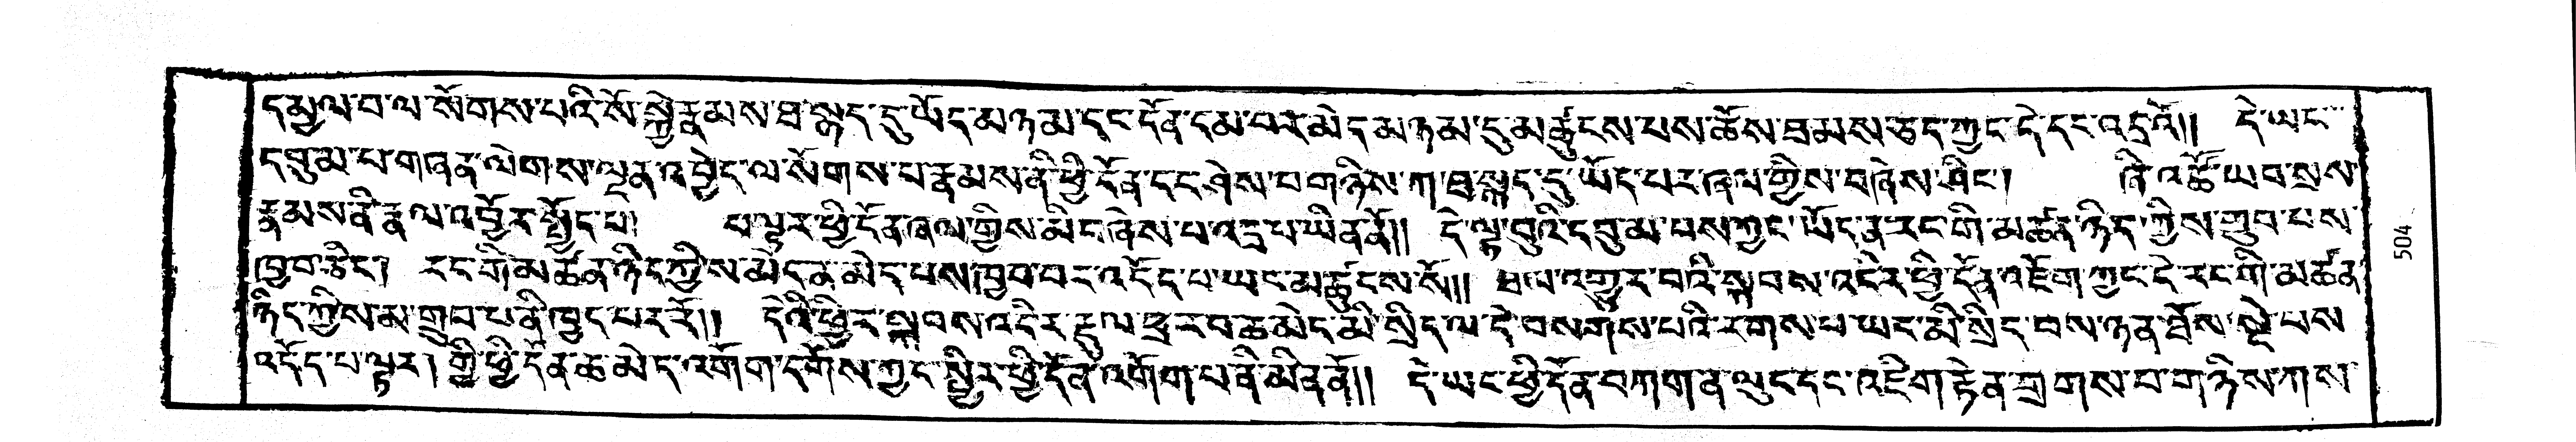དམྱལ་བ་ལ་སོགས་པའི་སོ་སྐྱེ་རྣམས་ཐ་སྙད་དུ་ཡོད་མཉམ་དང་དོན་དམ་པར་མེད་མཉམ་དུ་མཚུངས་པས་ཆོས་ཐམས་ཅད་ཀྱང་དེ་དང་འདྲའོ། །དེ་ཡང་
དབུ་མ་པ་གཞན་ལེགས་ལྡན་འབྱེད་ལ་སོགས་པ་རྣམས་ནི་ཕྱི་དོན་དང་ཤེས་པ་གཉིས་ཀ་ཐ་སྙད་དུ་ཡོད་པར་ཞལ་གྱིས་བཞེས་ཤིང་། ཞི་འཚོ་ཡབ་སྲས་
རྣམས་ནི་རྣལ་འབྱོར་སྤྱོད་པ། བ་ལྟར་ཕྱི་དོན་ཞལ་གྱིས་མིང་ཞེས་པ་འདྲ་པ་ཡིན་ནོ། །དེ་ལྟ་བུའི་དབུ་མ་པས་ཀྱང་ཡོད་ན་རང་གི་མཚན་ཉིད་ཀྱིས་གྲུབ་པས་
ཁྱབ་ཅིང་། རང་གི་མཚན་ཉིད་ཀྱིས་མེད་ན་མེད་པས་ཁྱབ་པར་འདོད་པ་ཡང་མཚུངས་སོ། །ཐལ་འགྱུར་བའི་སྐབས་འདིར་ཕྱི་དོན་འཇོག་ཀྱང་དེ་རང་གི་མཚན་
ཉིད་ཀྱིས་མ་གྲུབ་པ་ནི་ཁྱད་པར་རོ། །དེའི་ཕྱིར་སྐབས་འདིར་རྡུལ་ཕྲ་རབ་ཆ་མེད་མི་སྲིད་ལ་དེ་བསགས་པའི་རགས་པ་ཡང་མི་སྲིད་པས་ཉན་ཐོས་སྡེ་པས་
འདོད་པ་ལྟར། གྱི་ཕྱི་དོན་ཆ་མེད་འགོག་དགོས་ཀྱང་སྤྱིར་ཕྱི་དོན་འགོག་པ་ནི་མིན་ནོ། །དེ་ཡང་ཕྱི་དོན་བཀག་ན་ལུང་དང་འཇིག་རྟེན་གྲགས་པ་གཉིས་ཀས་